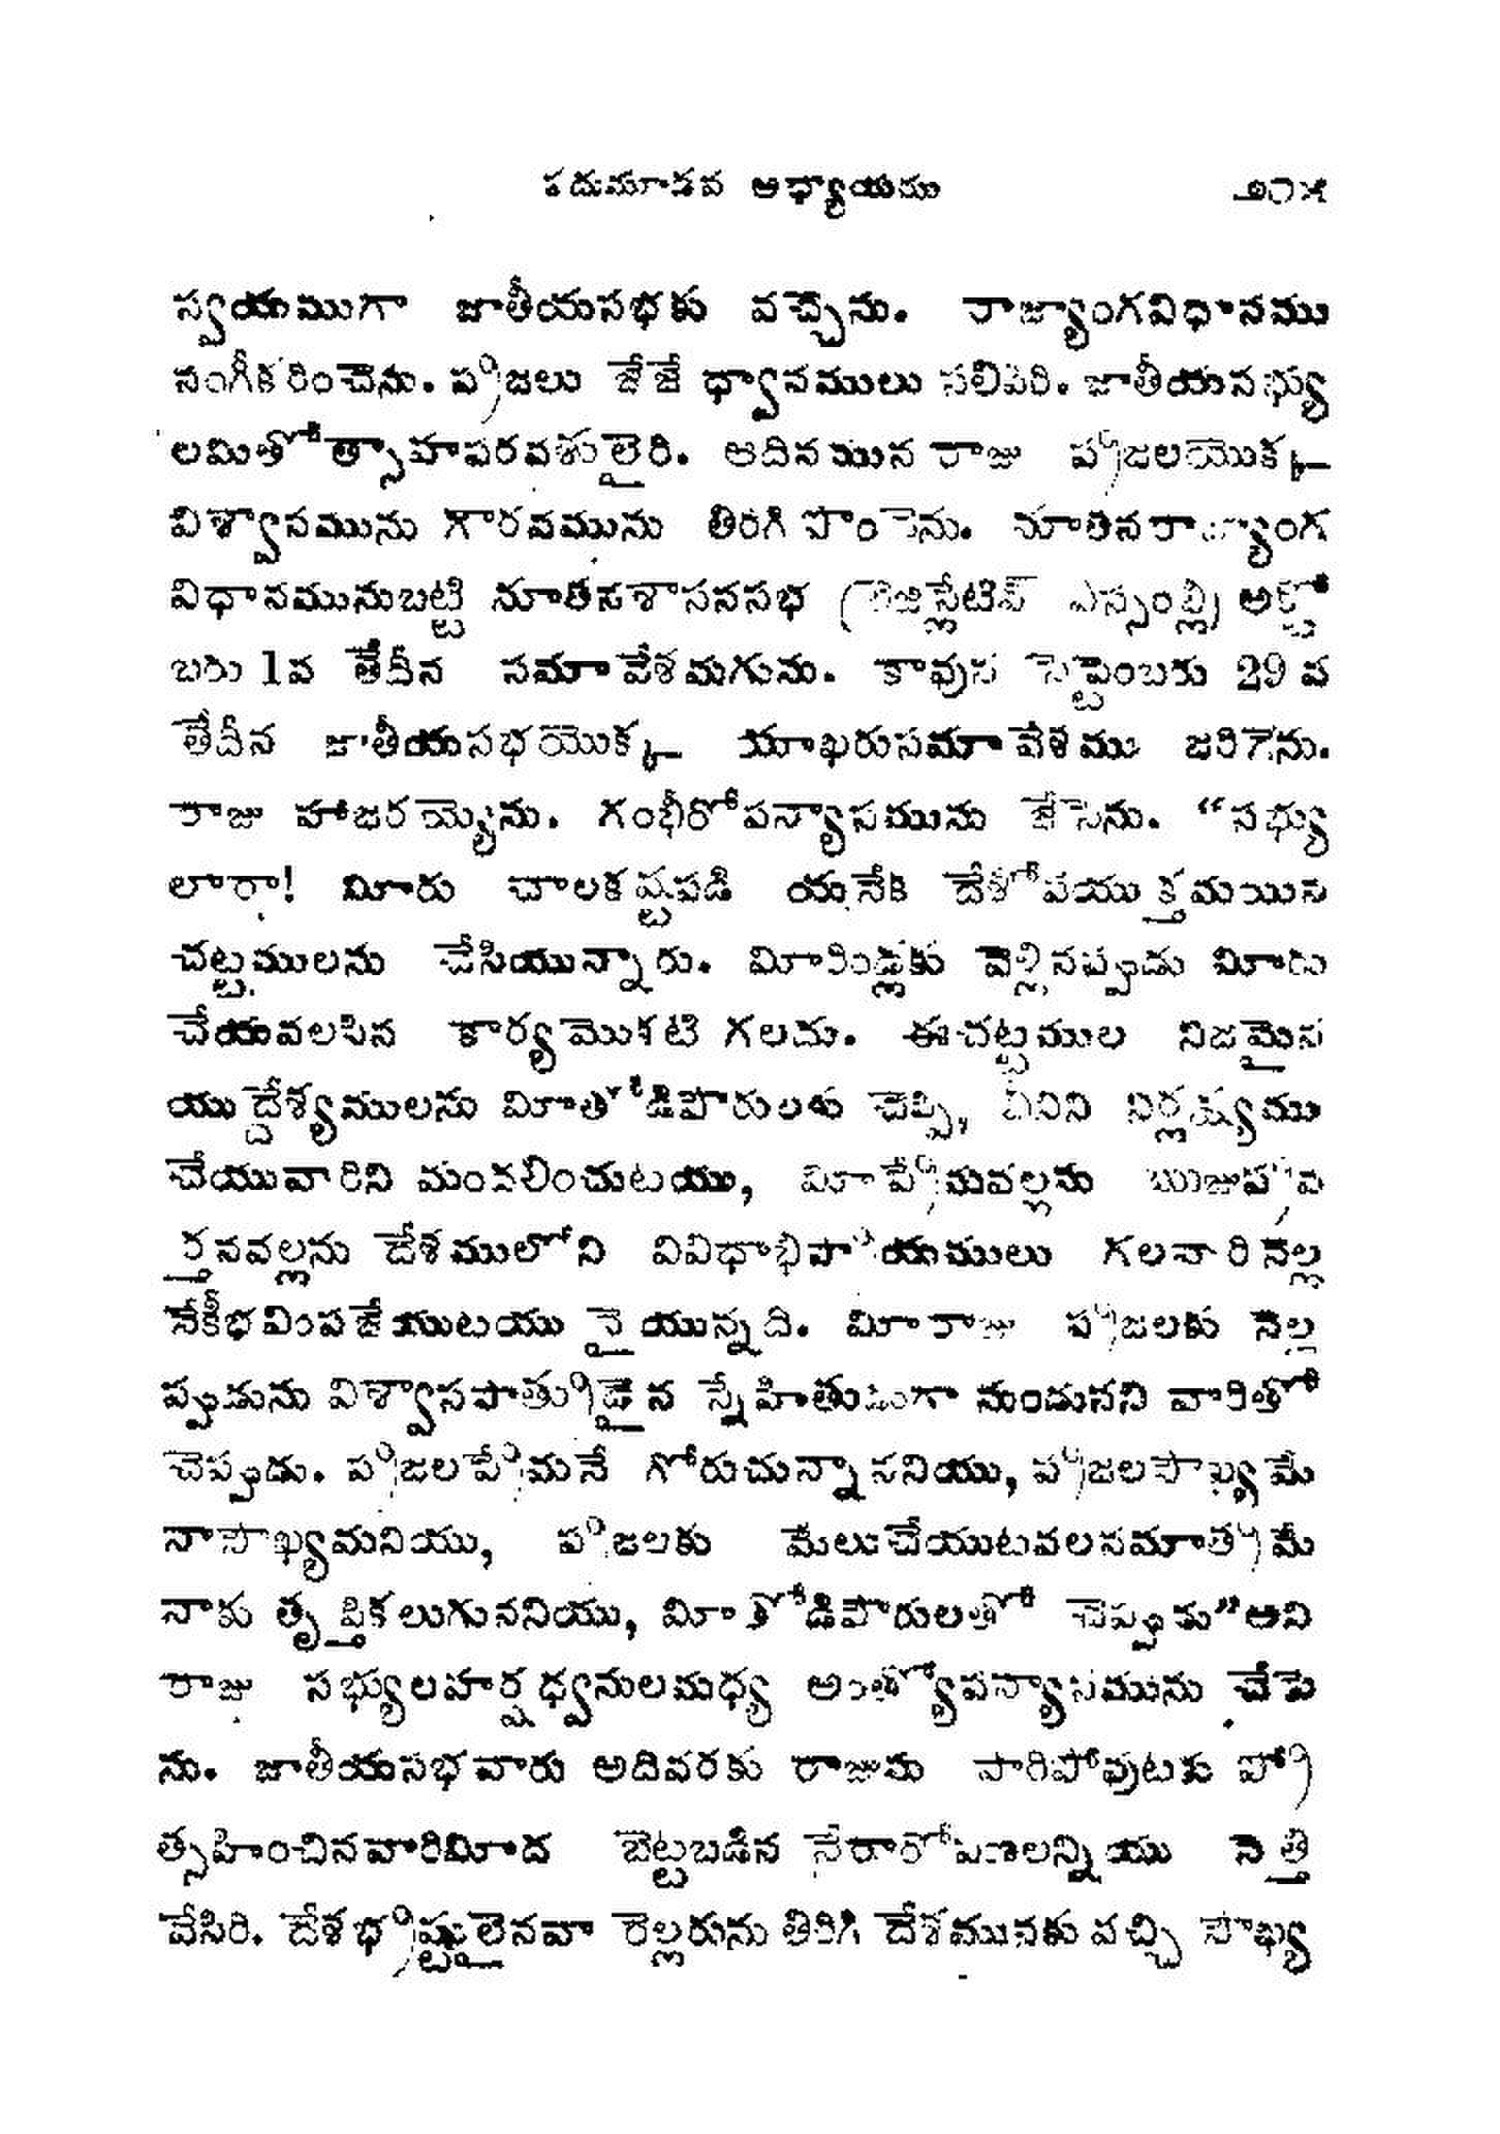స్వయముగా జాతీయసభకు వచ్చెను. రాజ్యాంగవిధానము
సంగీక రించెను. ప్రజలు జే జే ధ్వానములు సలిపిరి. జాతీయసభ్యు
'లమితోత్సాహపరవశులైరి. అదినమున రాజు ప్రజల యొక్క --
విశ్వాసమును గారవమును తిరిగి పొందెను. నూతన రాజ్యంగ
విధానమును బట్టి నూతన శాసనసభలెజిస్లేటివ్ ఎస్సంబ్లి) అక్టో
బరు 1వ తేదీన సమావేశ మగును. కావున సెప్టెంబరు 29 వ
తేదీన జాతీయసభ యొక్క యాఖరుసమావేశము జరిగెను.
రాజు హాజరయ్యెను. గంభీరోపన్యాసమును జేసెను. "సభ్యు
లారా! మీరు చాలకష్టపడి యనేక దేశపయుక్తమయి
చట్టములను చేసియున్నారు. మారిండ్లకు వెళ్లినప్పుడు మీరు
చేయవలసిన కార్య మొకటి గలదు. ఈ చట్టముల నిజమైన
యు ద్దేశ్యములను మీతోడి పౌరులకు చెప్పి, వినని నిర్లక్ష్యము
చేయువారిని మందలించుటయు, మీప్రే వల్లను రుజు ప్రవార్త
నవల్లను దేశములోని వివిధాభిప్రాయములు గలవారినెల్ల
నేకీభవింపజేయుటయు నై యున్నది. మీరాజు ప్రజలకు నెల్ల
ప్పుడును విశ్వాసపాత్రుడైన స్నేహితులుగా నుండునని వారితో
చెప్పుడు. ప్రజల ప్రేమనే గోరుచున్నా సనియు, ప్రజలపౌఖ్యమే
నాసౌఖ్యమనియు, ప్రజలకు మేలుచేయుటవలస మాత్రమే
నాకు తృప్తికలుగుననియు, మీతోడి పౌరులలో చెప్పుడు" అని
రాజు సభ్యు లహర్ష ధ్వనుల మధ్య అంత్యోపన్యాసమును . చేసె
సు. జాతీయసభవారు అదివరకు రాజుకు పారి పోవుటకు పోవుటకు
ప్రోత్సహించిన వారిమీద బెట్టబడిన నేరారోపణలన్నియు నెత్తి
వేసిరి. దేశ భ్రష్టులైనవా రెల్లరును తిరిగి దేశమునకు వచ్చి సౌఖ్య